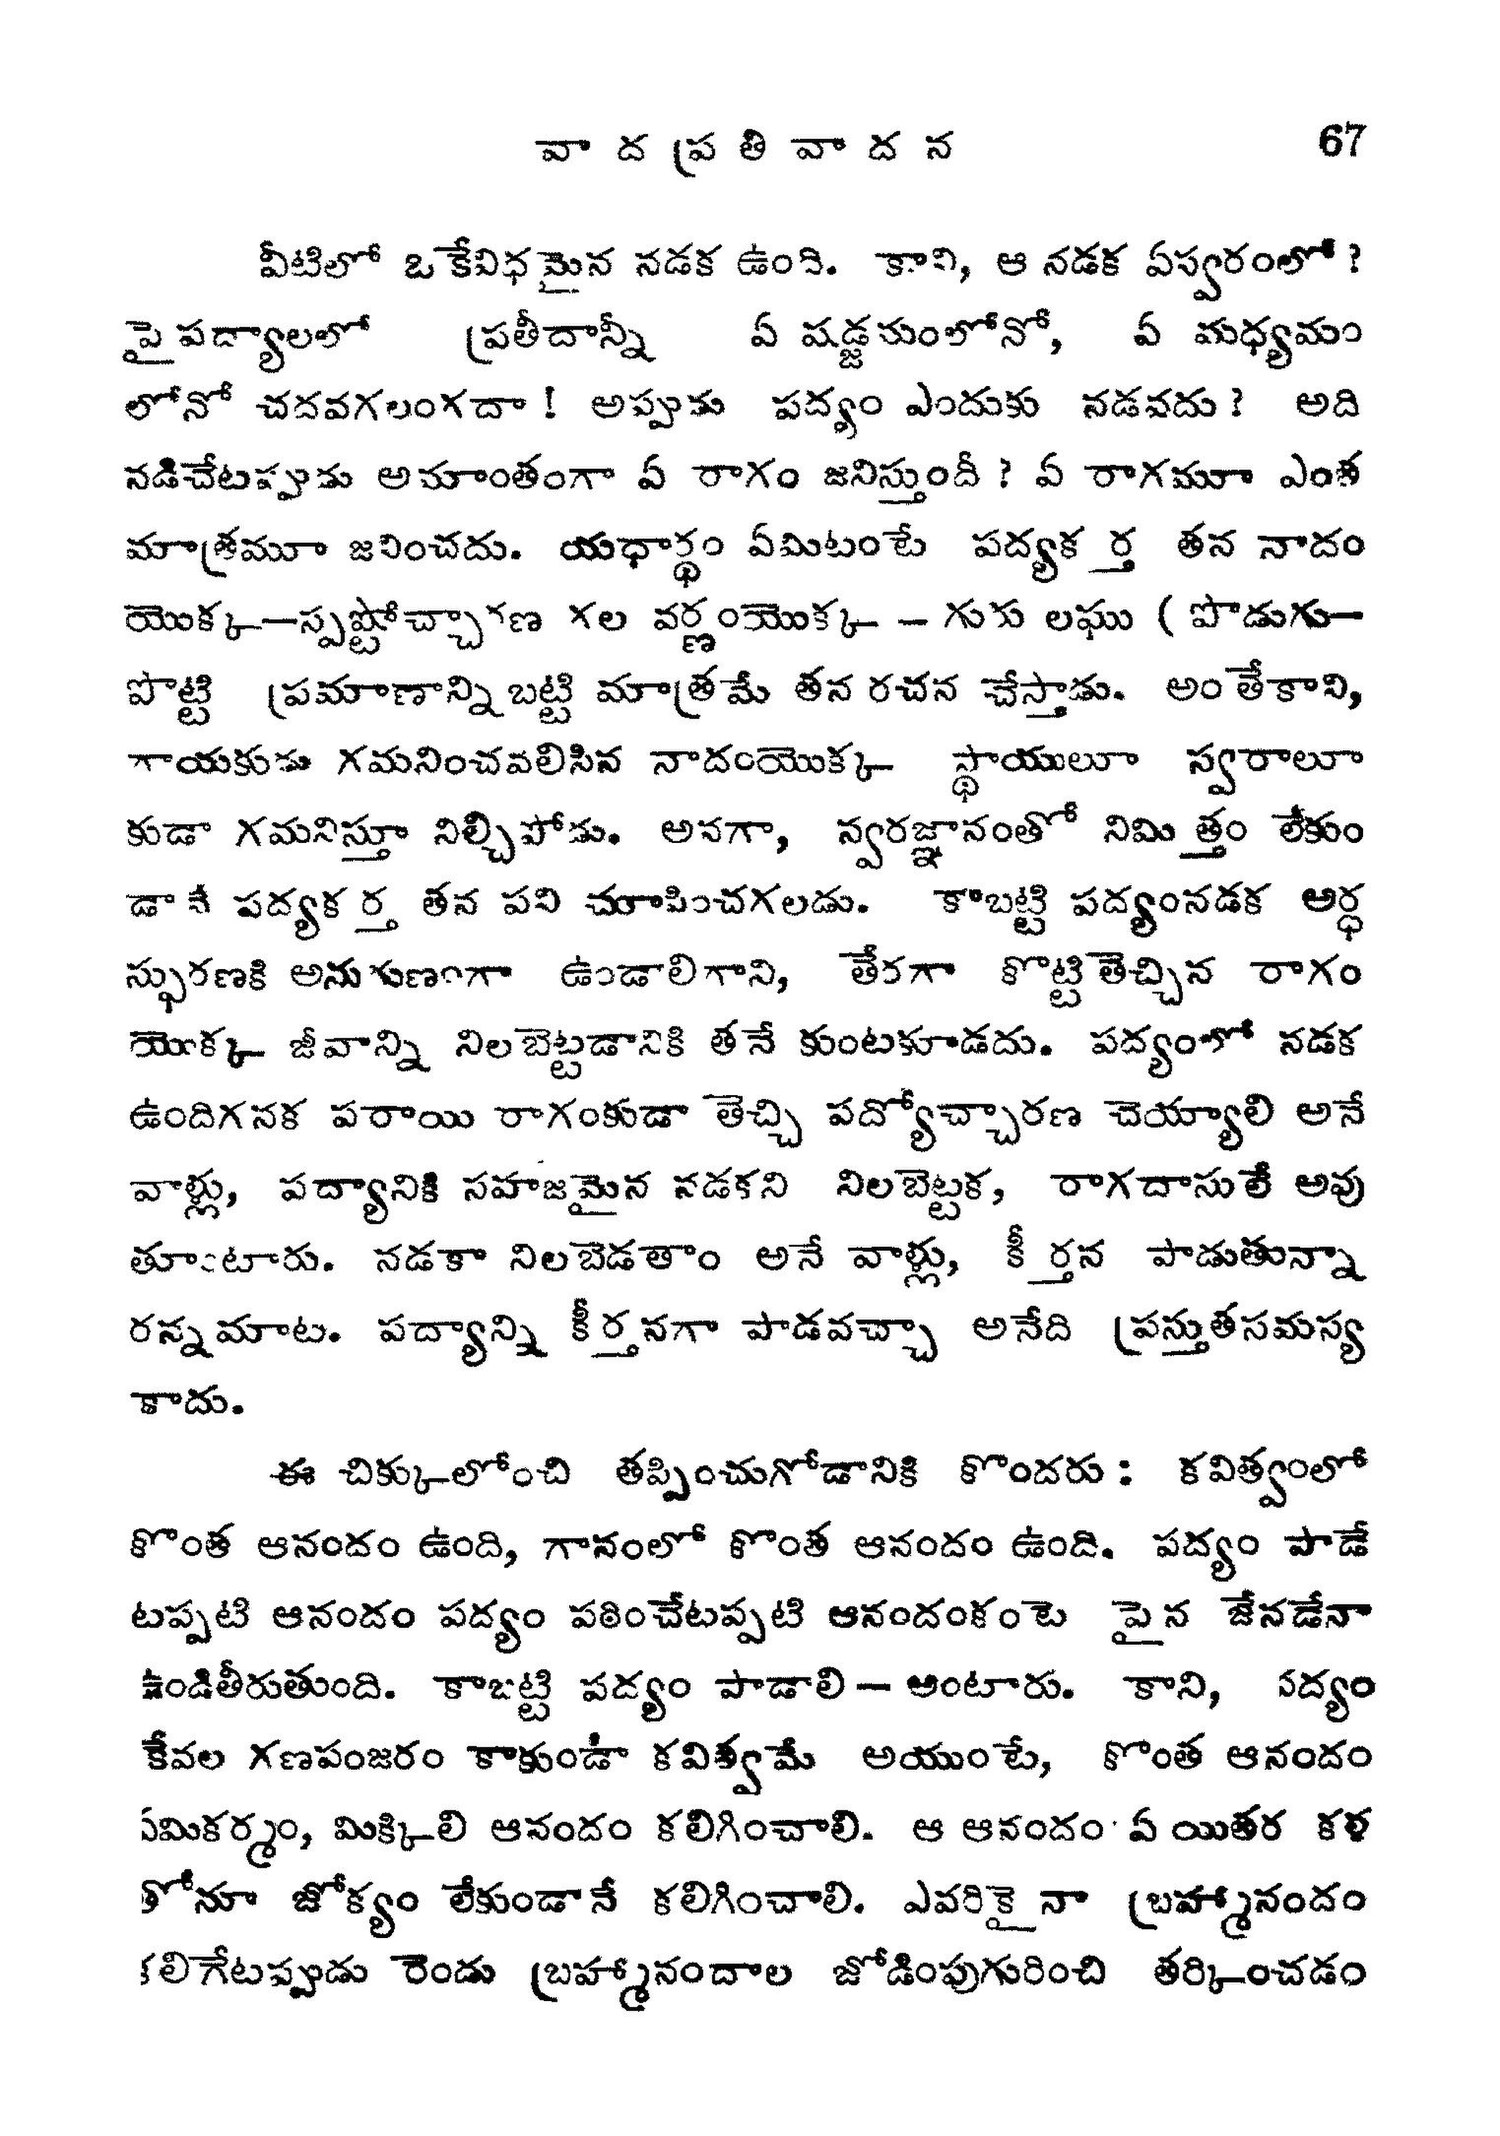వీటిలో ఒకేవిధమైన నడక ఉంది. కాని, ఆ నడక ఏస్వరంలో ?
పైపద్యాలలో ప్రతీదాన్నీ ఏ షడ్జమంలోనో, ఏ మధ్యమం
లోనో చదవగలంగదా ! అప్పుడు పద్యం ఎందుకు నడవదు? అది
నడిచేటప్పుడు అమాంతంగా ఏ రాగం జనిస్తుందీ ? ఏ రాగమూ ఎంత
మాత్రమూ జనించదు. యధార్థం ఏమిటంటే పద్యకర్త తన నాదం
యొక్క—స్పష్టోచ్చారణ గల వర్ణంయొక్క - గురు లఘు ( పొడుగు—
పొట్టి ప్రమాణాన్నిబట్టి మాత్రమే తన రచన చేస్తాడు. అంతేకాని,
గాయకుడు గమనించవలిసిన నాదంయొక్క స్థాయులూ స్వరాలూ
కుడా గమనిస్తూ నిల్చిపోడు. అనగా, స్వరజ్ఞానంతో నిమిత్తం లేకుం
డానే పద్యకర్త తన పని చూపించగలడు. కాబట్టి పద్యంనడక అర్ధ
స్ఫురణకి అనుగుణంగా ఉండాలిగాని, తేరగా కొట్టితెచ్చిన రాగం
యొక్క జీవాన్ని నిలబెట్టడానికి తనే కుంటకూడదు. పద్యంలో నడక
ఉందిగనక పరాయి రాగంకుడా తెచ్చి పద్యోచ్చారణ చెయ్యాలి అనే
వాళ్లు, పద్యానికి సహజమైన నడకని నిలబెట్టక, రాగదాసులే అవు
తూంటారు. నడకా నిలబెడతాం అనే వాళ్లు, కీర్తన పాడుతున్నా
రన్నమాట. పద్యాన్ని కీర్తనగా పాడవచ్చా అనేది ప్రస్తుతసమస్య
కాదు.

ఈ చిక్కులోంచి తప్పించుగోడానికి కొందరు : కవిత్వంలో
కొంత ఆనందం ఉంది, గానంలో కొంత ఆనందం ఉంది. పద్యం పాడే
టప్పటి ఆనందం పద్యం పఠించేటప్పటి ఆనందంకంటే పైన జేనడేనా
ఉండితీరుతుంది. కాబట్టి పద్యం పాడాలి - అంటారు. కాని, పద్యం
కేవల గణపంజరం కాకుండా కవిత్వమే అయుంటే, కొంత ఆనందం
ఏమికర్మం, మిక్కిలి ఆనందం కలిగించాలి. ఆ ఆనందం ఏ యితర కళ
తోనూ జోక్యం లేకుండానే కలిగించాలి. ఎవరికైనా బ్రహ్మానందం
కలిగేటప్పుడు రెండు బ్రహ్మానందాల జోడింపుగురించి తర్కించడం